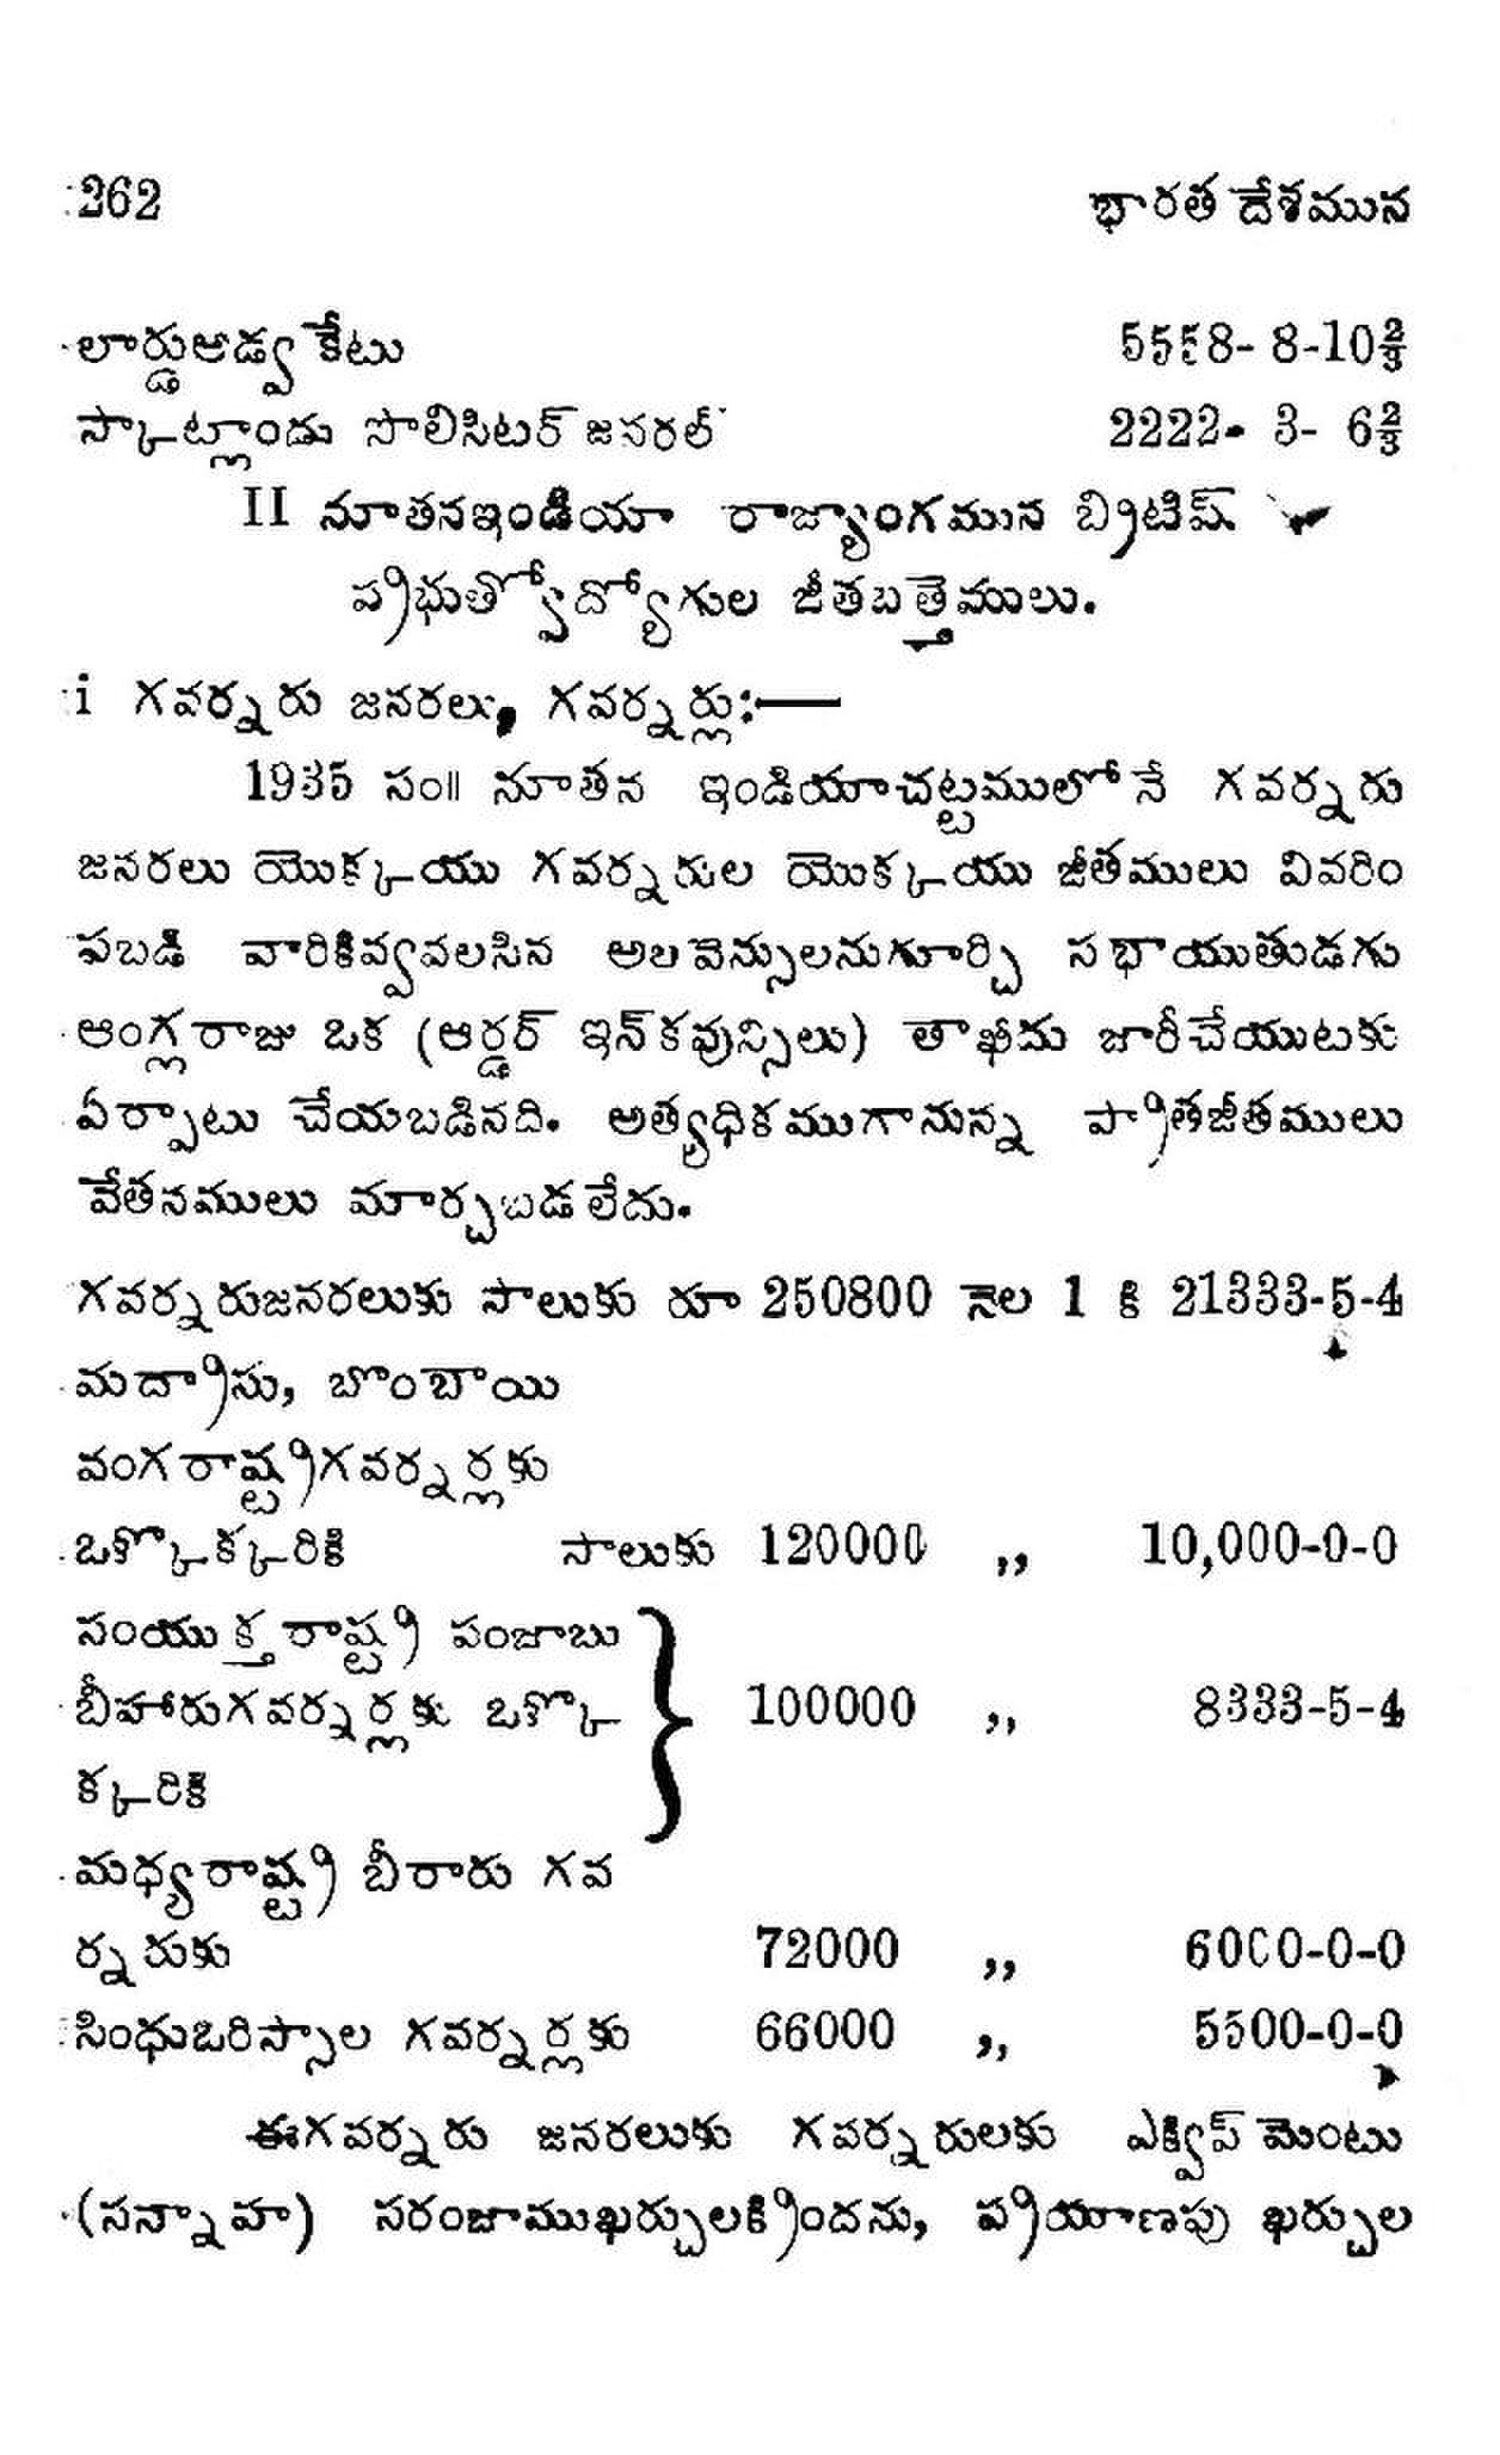లార్డుఅడ్వకేటు - 5558-8-10 2/3

స్కాట్లాండు సొలిసిటర్‌జనరల్ - 2222-3-6 2/3

II నూతన ఇండియా రాజ్యాంగమున బ్రిటీష్ ప్రభుత్వోద్యోగుల జీతబత్తెములు.

! గవర్నరు జనరలు, గవర్నర్లుః-

1935 సం|| నూతన ఇండియాచట్టములోనే గవర్నరు జనరలు యొక్కయు గవర్నరుల యొక్కయు జీతములు వివరింపబడి వారికివ్వవలసిన అలవెన్సులనుగూర్చి సభాయుతుడగు ఆంగ్లరాజు ఒక (ఆర్డర్ ఇన్‌కవున్సిలు) తాఖీదు జారీచేయుటకు ఏర్పాటు చేయబడినది. అత్యధికముగానున్న ప్రాతజీతములు వేతనములు మార్చబడలేదు.

 గవర్నరుజనరలుకు సాలుకు రూ 250800 నెల 1 కి 21333-5-4 మద్రాసు, బొంబాయి వంగరాష్ట్ర గవర్నర్లకు ఒక్కొక్కరికి సాలుకు 120000 నెల 1 కి 10,000-0-0 సంయుక్తరాష్ట్ర పంజాబు బీహారు గవర్నర్లకు ఒక్కొక్కరికి 100000 నెల 1 కి 8333-5-4 మధ్యరాష్ట్ర బీరారు గవర్నరుకు 72000 నెల 1 కి 6000-0-0 సింధుఒరిస్సాల గవర్నర్లకు 66000 నెల 1 కి 5500-0-0
ఈగవర్నరు జనరలుకు గవర్నరులకు ఎక్విప్‌మెంటు (సన్నాహ) సరంజాముఖర్చుల క్రిందను, ప్రయాణపు ఖర్చుల